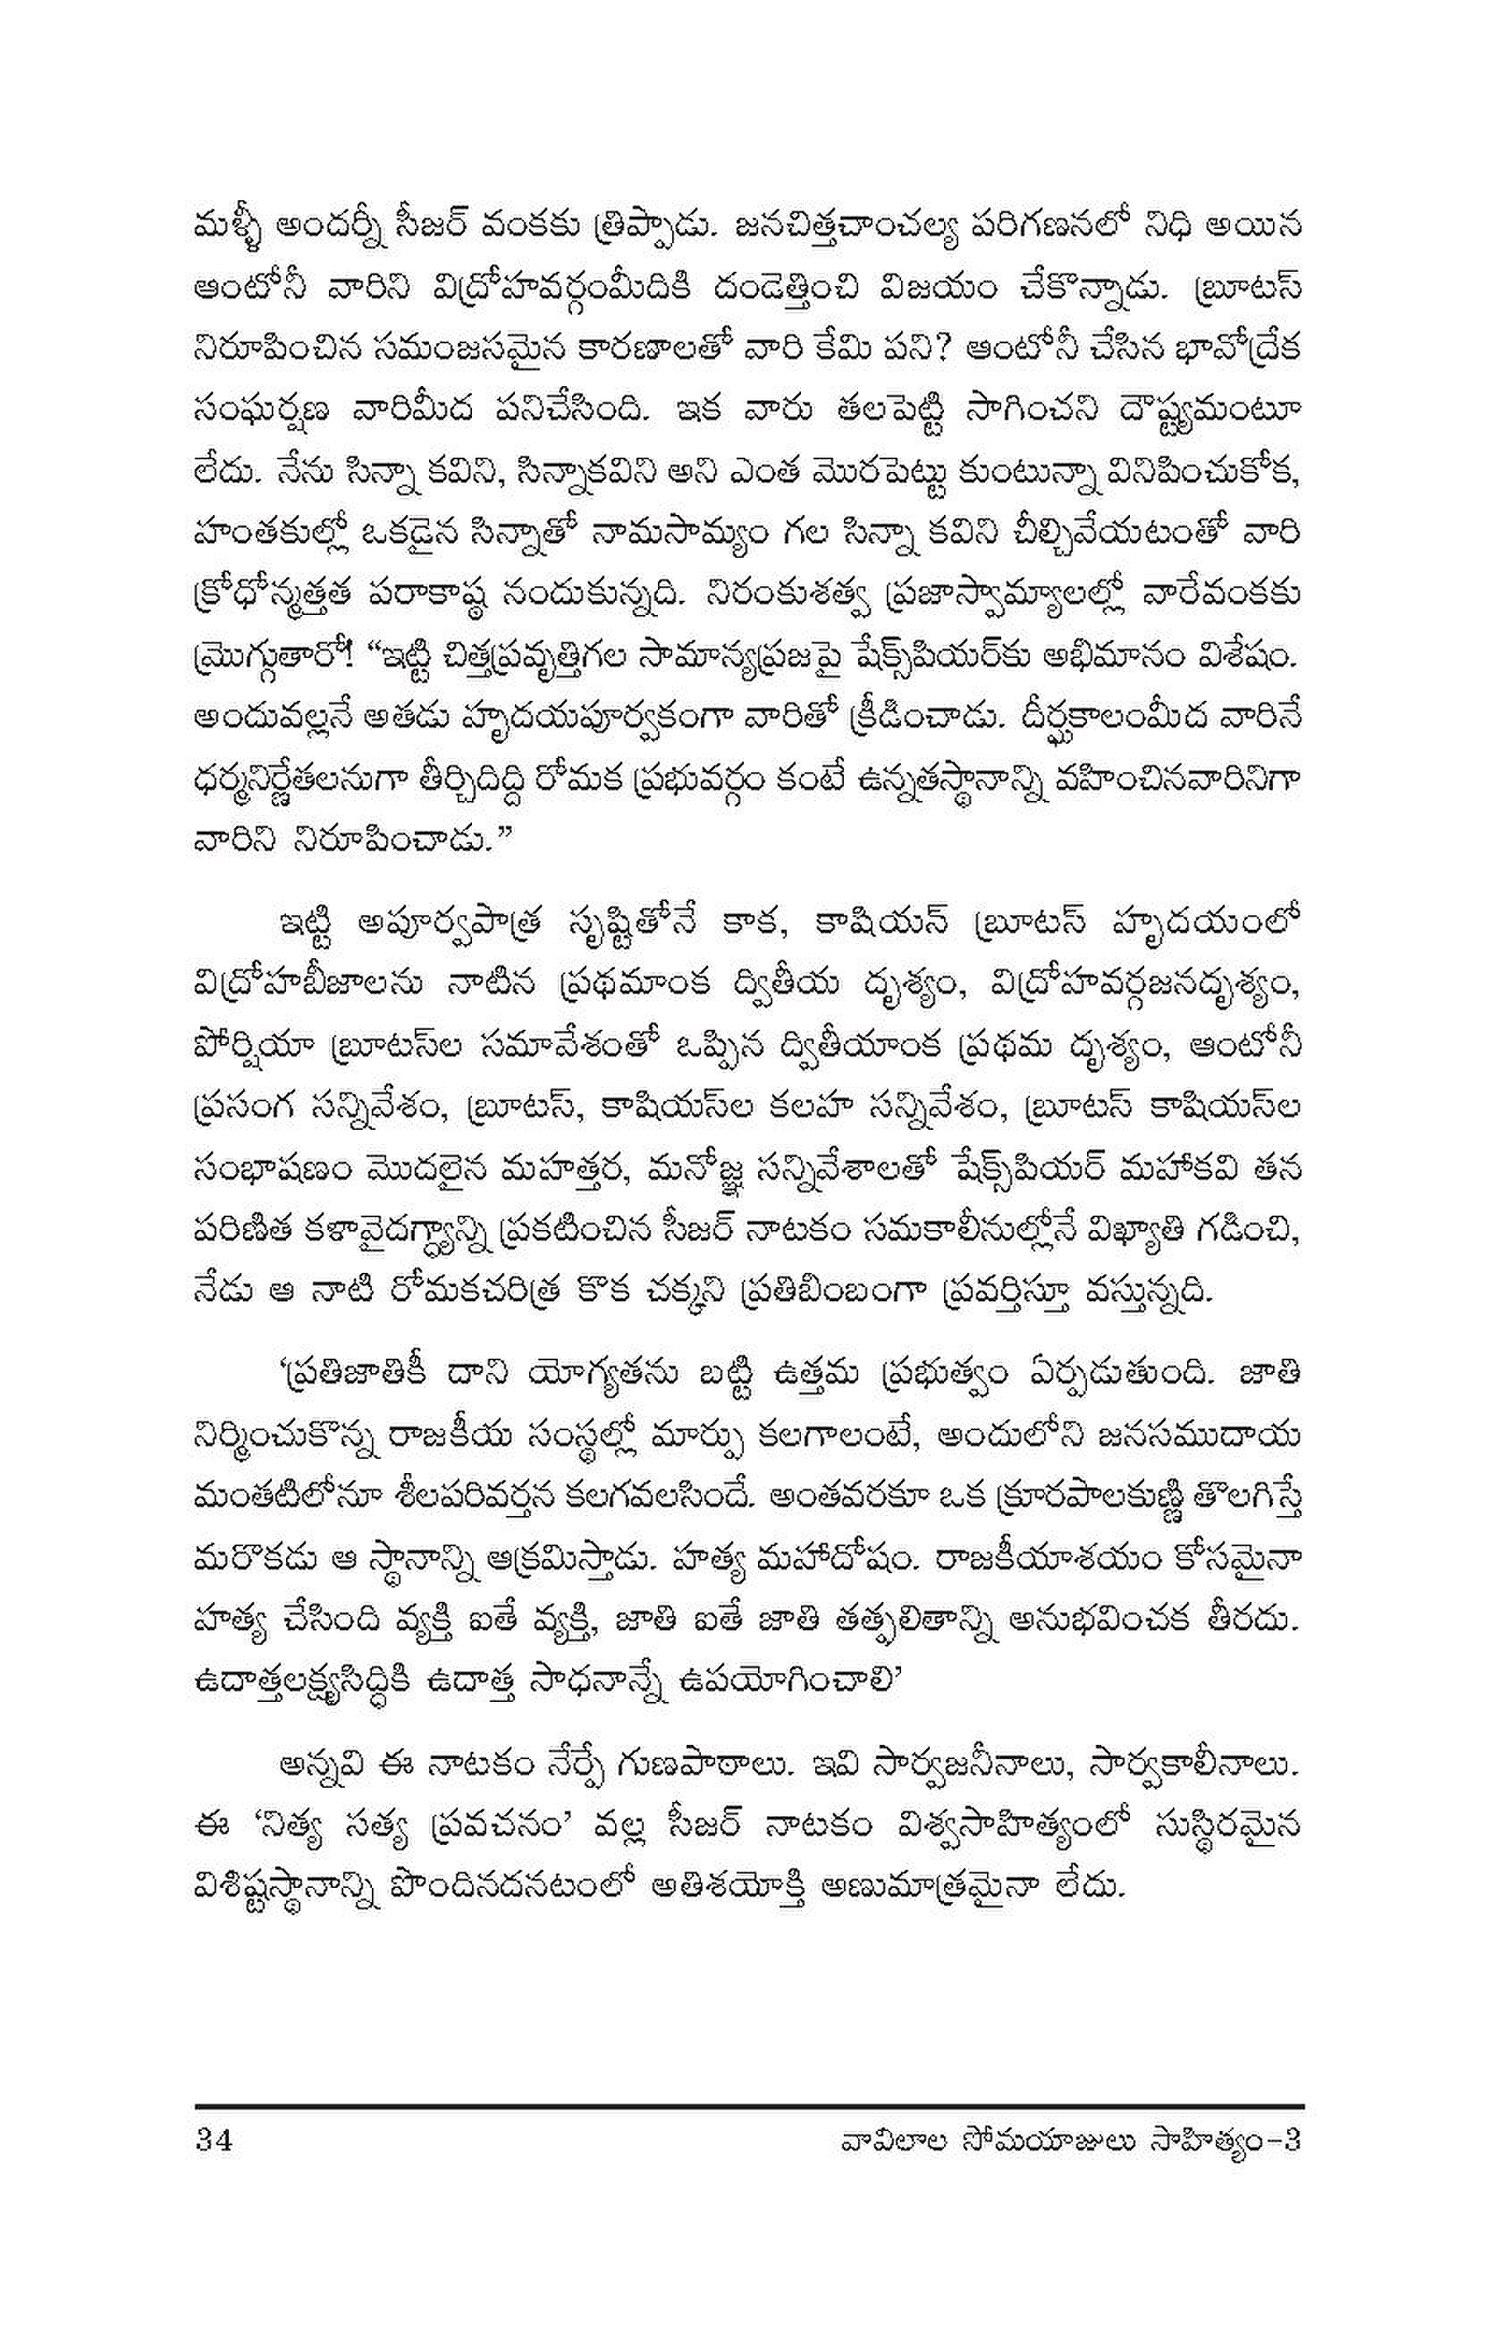మళ్ళీ అందర్నీ సీజర్ వంకకు త్రిప్పాడు. జనచిత్తచాంచల్య పరిగణనలో నిధి అయిన ఆంటోనీ వారిని విద్రోహవర్గంమీదికి దండెత్తించి విజయం చేకొన్నాడు. బ్రూటస్ నిరూపించిన సమంజసమైన కారణాలతో వారి కేమి పని? ఆంటోనీ చేసిన భావోద్రేక సంఘర్షణ వారిమీద పనిచేసింది. ఇక వారు తలపెట్టి సాగించని దౌష్ట్యమంటూ లేదు. నేను సిన్నా కవిని, సిన్నాకవిని అని ఎంత మొరపెట్టు కుంటున్నా వినిపించుకోక, హంతకుల్లో ఒకడైన సిన్నాతో నామసామ్యం గల సిన్నా కవిని చీల్చివేయటంతో వారి క్రోధోన్మత్తత పరాకాష్ఠ నందుకున్నది. నిరంకుశత్వ ప్రజాస్వామ్యాలల్లో వారేవంకకు మ్రొగ్గుతారో! "ఇట్టి చిత్తప్రవృత్తిగల సామాన్యప్రజపై షేక్స్ పియర్ కు అభిమానం విశేషం. అందువల్లనే అతడు హృదయపూర్వకంగా వారితో క్రీడించాడు. దీర్ఘకాలంమీద వారినే ధర్మనిర్ణేతలనుగా తీర్చిదిద్ది రోమక ప్రభువర్గం కంటే ఉన్నతస్థానాన్ని వహించినవారినిగా
వారిని నిరూపించాడు.”

ఇట్టి అపూర్వ పాత్ర సృష్టితోనే కాక, కాషియన్ బ్రూటస్ హృదయంలో విద్రోహబీజాలను నాటిన ప్రథమాంక ద్వితీయ దృశ్యం, విద్రోహవర్గజనదృశ్యం, పోర్షియా బ్రూటస్ల సమావేశంతో ఒప్పిన ద్వితీయాంక ప్రథమ దృశ్యం, ఆంటోనీ
ప్రసంగ సన్నివేశం, బ్రూటస్, కాషియస్ల కలహ సన్నివేశం, బ్రూటస్ కాషియస్ ల సంభాషణం మొదలైన మహత్తర, మనోజ్ఞ సన్నివేశాలతో షేక్స్పియర్ మహాకవి తన పరిణిత కళావైదగ్ధ్యాన్ని ప్రకటించిన సీజర్ నాటకం సమకాలీనుల్లోనే విఖ్యాతి గడించి, నేడు ఆ నాటి రోమకచరిత్ర కొక చక్కని ప్రతిబింబంగా ప్రవర్తిస్తూ వస్తున్నది.

'ప్రతిజాతికీ దాని యోగ్యతను బట్టి ఉత్తమ ప్రభుత్వం ఏర్పడుతుంది. జాతి నిర్మించుకొన్న రాజకీయ సంస్థల్లో మార్పు కలగాలంటే, అందులోని జనసముదాయ మంతటిలోనూ శీలపరివర్తన కలగవలసిందే. అంతవరకూ ఒక క్రూరపాలకుణ్ణి తొలగిస్తే మరొకడు ఆ స్థానాన్ని ఆక్రమిస్తాడు. హత్య మహాదోషం. రాజకీయాశయం కోసమైనా హత్య చేసింది వ్యక్తి ఐతే వ్యక్తి, జాతి ఐతే జాతి తత్ఫలితాన్ని అనుభవించక తీరదు. ఉదాత్తలక్ష్యసిద్ధికి ఉదాత్త సాధనాన్నే ఉపయోగించాలి'

అన్నవి ఈ నాటకం నేర్పే గుణపాఠాలు. ఇవి సార్వజనీనాలు, సార్వకాలీనాలు. ఈ 'నిత్య సత్య ప్రవచనం' వల్ల సీజర్ నాటకం విశ్వసాహిత్యంలో సుస్థిరమైన విశిష్టస్థానాన్ని పొందినదనటంలో అతిశయోక్తి అణుమాత్రమైనా లేదు.